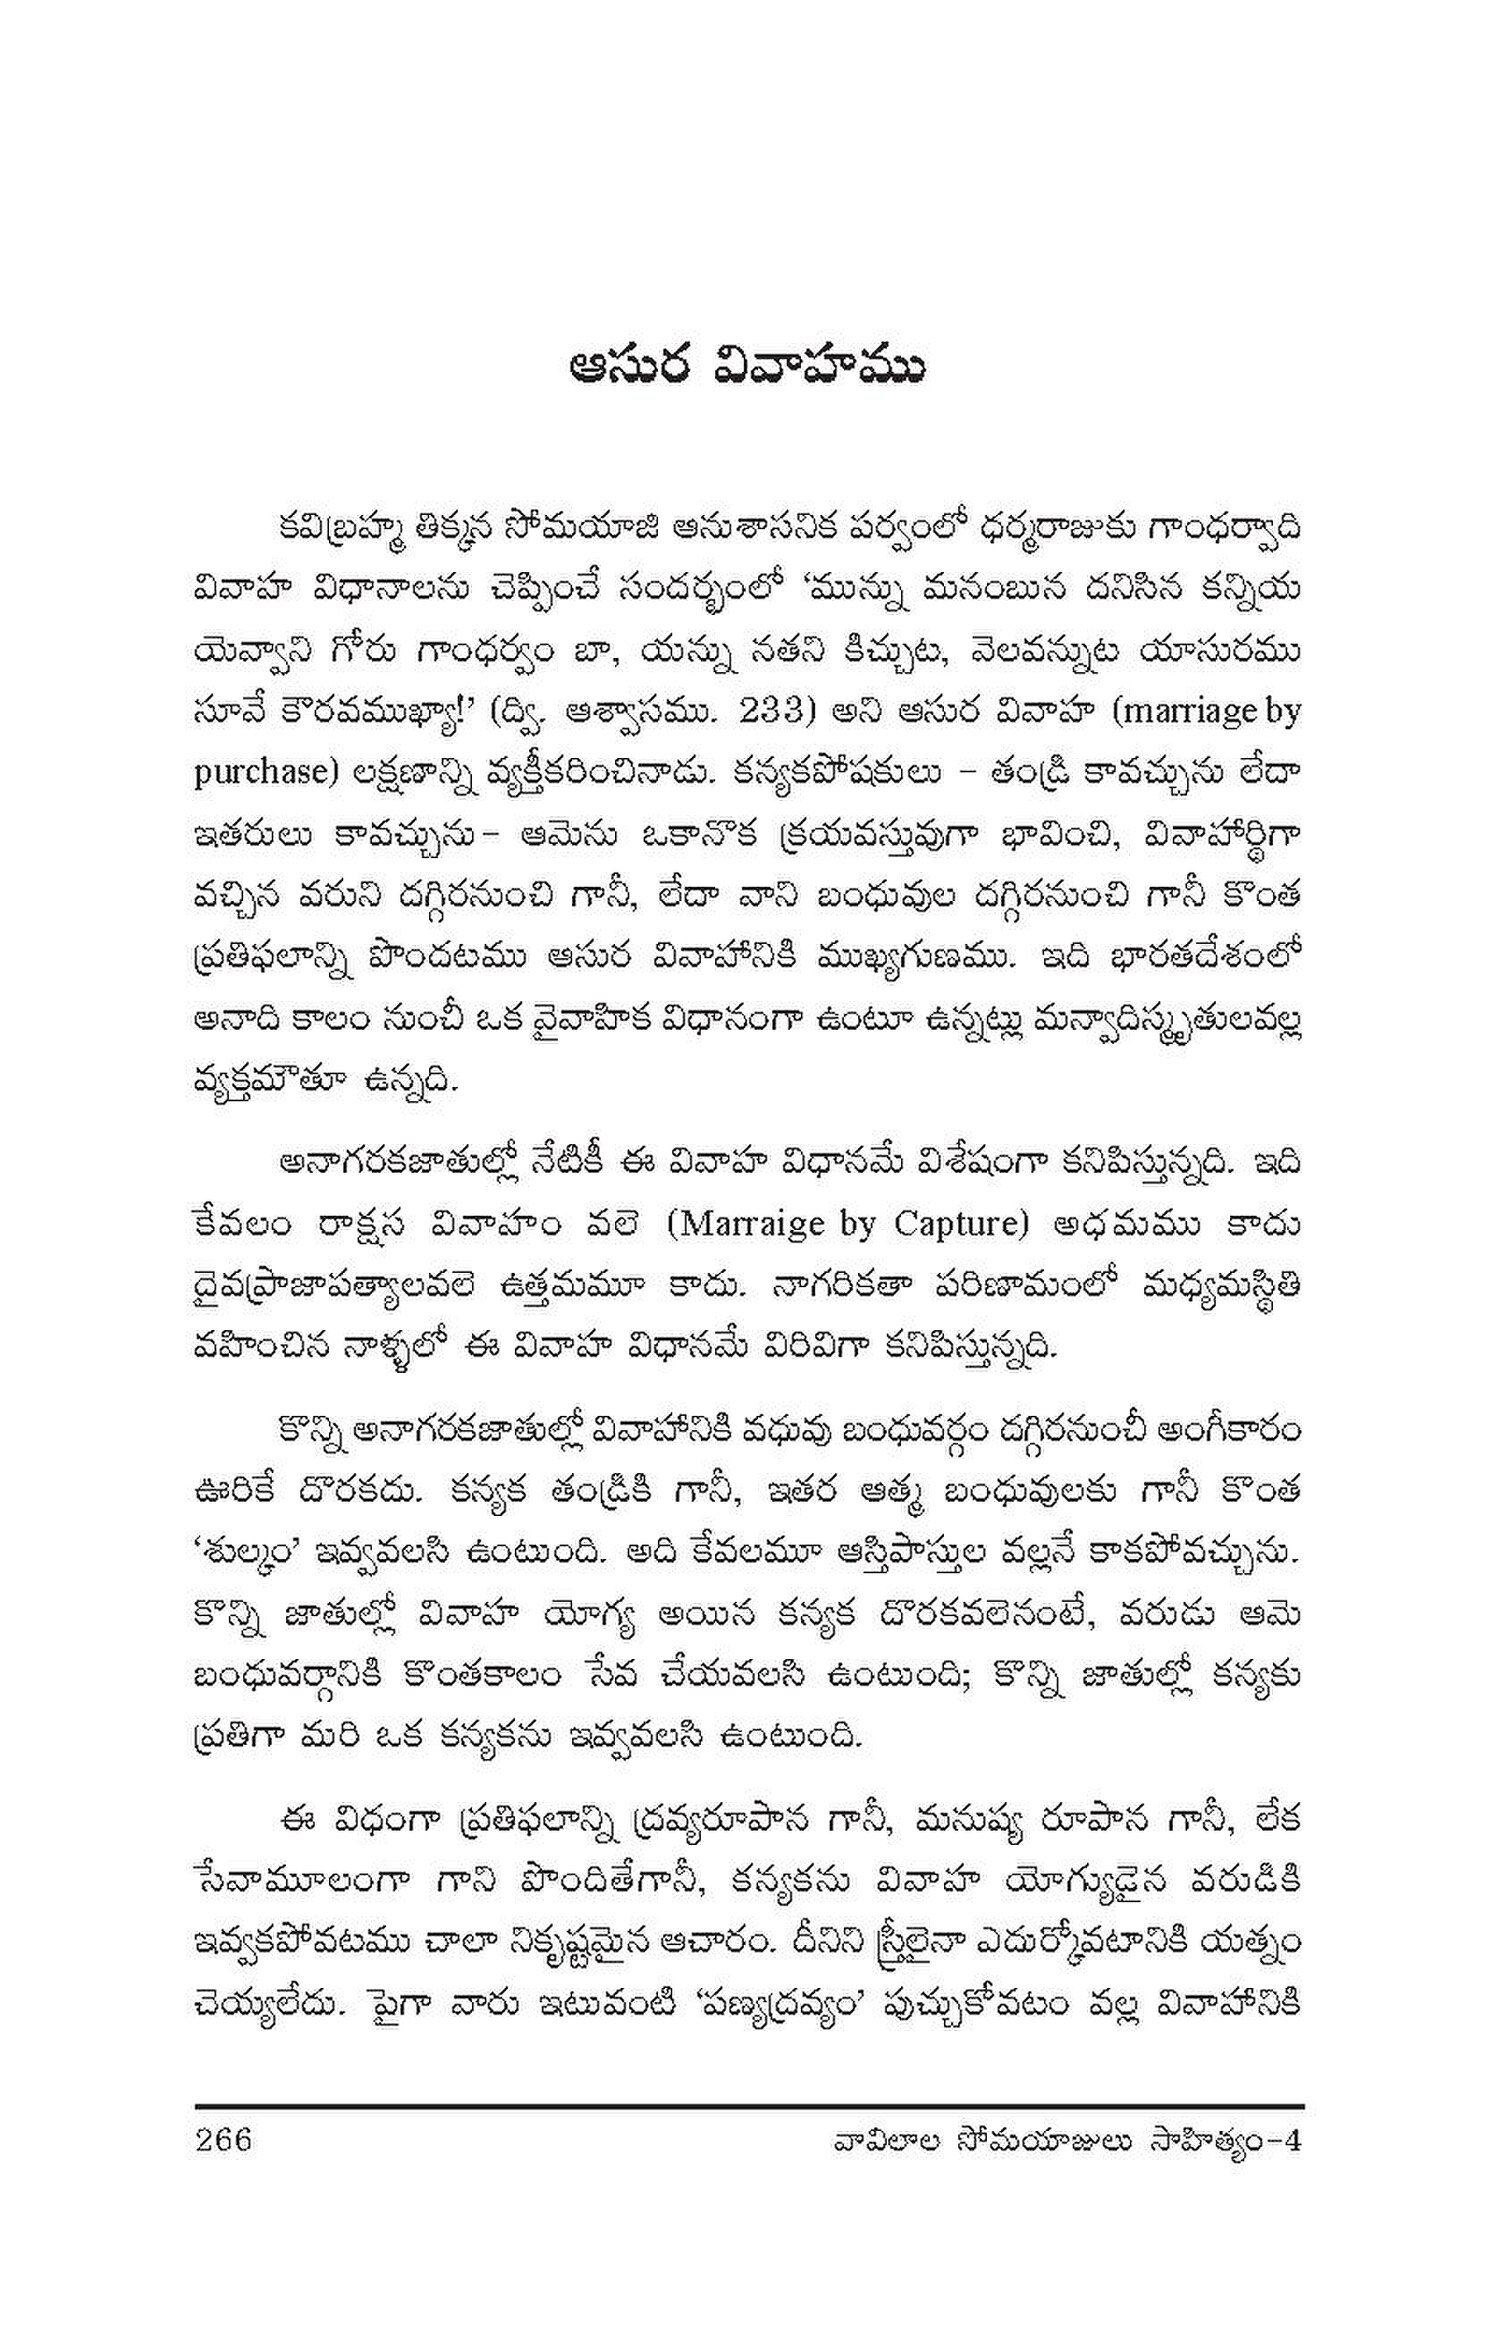కవిబ్రహ్మ తిక్కన సోమయాజి ఆనుశాసనిక పర్వంలో ధర్మరాజుకు గాంధర్వాది
వివాహ విధానాలను చెప్పించే సందర్భంలో 'మున్ను మనంబున దనిసిన కన్నియ
యెవ్వాని గోరు గాంధర్వం బా, యన్ను నతని కిచ్చుట, నెలవన్నుట యాసురము
సూవే కౌరవముఖ్యా!' (ద్వి. ఆశ్వాసము. 233) అని ఆసుర వివాహ (marriage by
purchase) లక్షణాన్ని వ్యక్తీకరించినాడు. కన్యకపోషకులు - తండ్రి కావచ్చును లేదా
ఇతరులు కావచ్చును- ఆమెను ఒకానొక క్రయవస్తువుగా భావించి, వివాహార్థిగా
వచ్చిన వరుని దగ్గరనుంచి గానీ, లేదా వాని బంధువుల దగ్గిరనుంచి గానీ కొంత
ప్రతిఫలాన్ని పొందటము ఆసుర వివాహానికి ముఖ్యగుణము. ఇది భారతదేశంలో
అనాది కాలం నుంచీ ఒక వైవాహిక విధానంగా ఉంటూ ఉన్నట్లు మన్వాదిస్మృతులవల్ల
వ్యక్తమౌతూ ఉన్నది.

అనాగరకజాతుల్లో నేటికీ ఈ వివాహ విధానమే విశేషంగా కనిపిస్తున్నది. ఇది
కేవలం రాక్షస వివాహం వలె (Marraige by Capture) అధమము కాదు
దైవప్రాజాపత్యాలవలె ఉత్తమమూ కాదు. నాగరికతా పరిణామంలో మధ్యమస్థితి
వహించిన నాళ్ళలో ఈ వివాహ విధానమే విరివిగా కనిపిస్తున్నది.

కొన్ని అనాగరకజాతుల్లో వివాహానికి వధువు బంధువర్గం దగ్గిరనుంచీ అంగీకారం
ఊరికే దొరకదు. కన్యక తండ్రికి గానీ, ఇతర ఆత్మ బంధువులకు గానీ కొంత
'శుల్కం' ఇవ్వవలసి ఉంటుంది. అది కేవలమూ ఆస్తిపాస్తుల వల్లనే కాకపోవచ్చును.
కొన్ని జాతుల్లో వివాహ యోగ్య అయిన కన్యక దొరకవలెనంటే, వరుడు ఆమె
బంధువర్గానికి కొంతకాలం సేవ చేయవలసి ఉంటుంది; కొన్ని జాతుల్లో కన్యకు
ప్రతిగా మరి ఒక కన్యకను ఇవ్వవలసి ఉంటుంది.

ఈ విధంగా ప్రతిఫలాన్ని ద్రవ్యరూపాన గానీ, మనుష్య రూపాన గానీ, లేక
సేవామూలంగా గాని పొందితేగానీ, కన్యకను వివాహ యోగ్యుడైన వరుడికి
ఇవ్వకపోవటము చాలా నికృష్టమైన ఆచారం. దీనిని స్త్రీలైనా ఎదుర్కోవటానికి యత్నం
చెయ్యలేదు. పైగా వారు ఇటువంటి 'పణ్యద్రవ్యం' పుచ్చుకోవటం వల్ల వివాహానికి